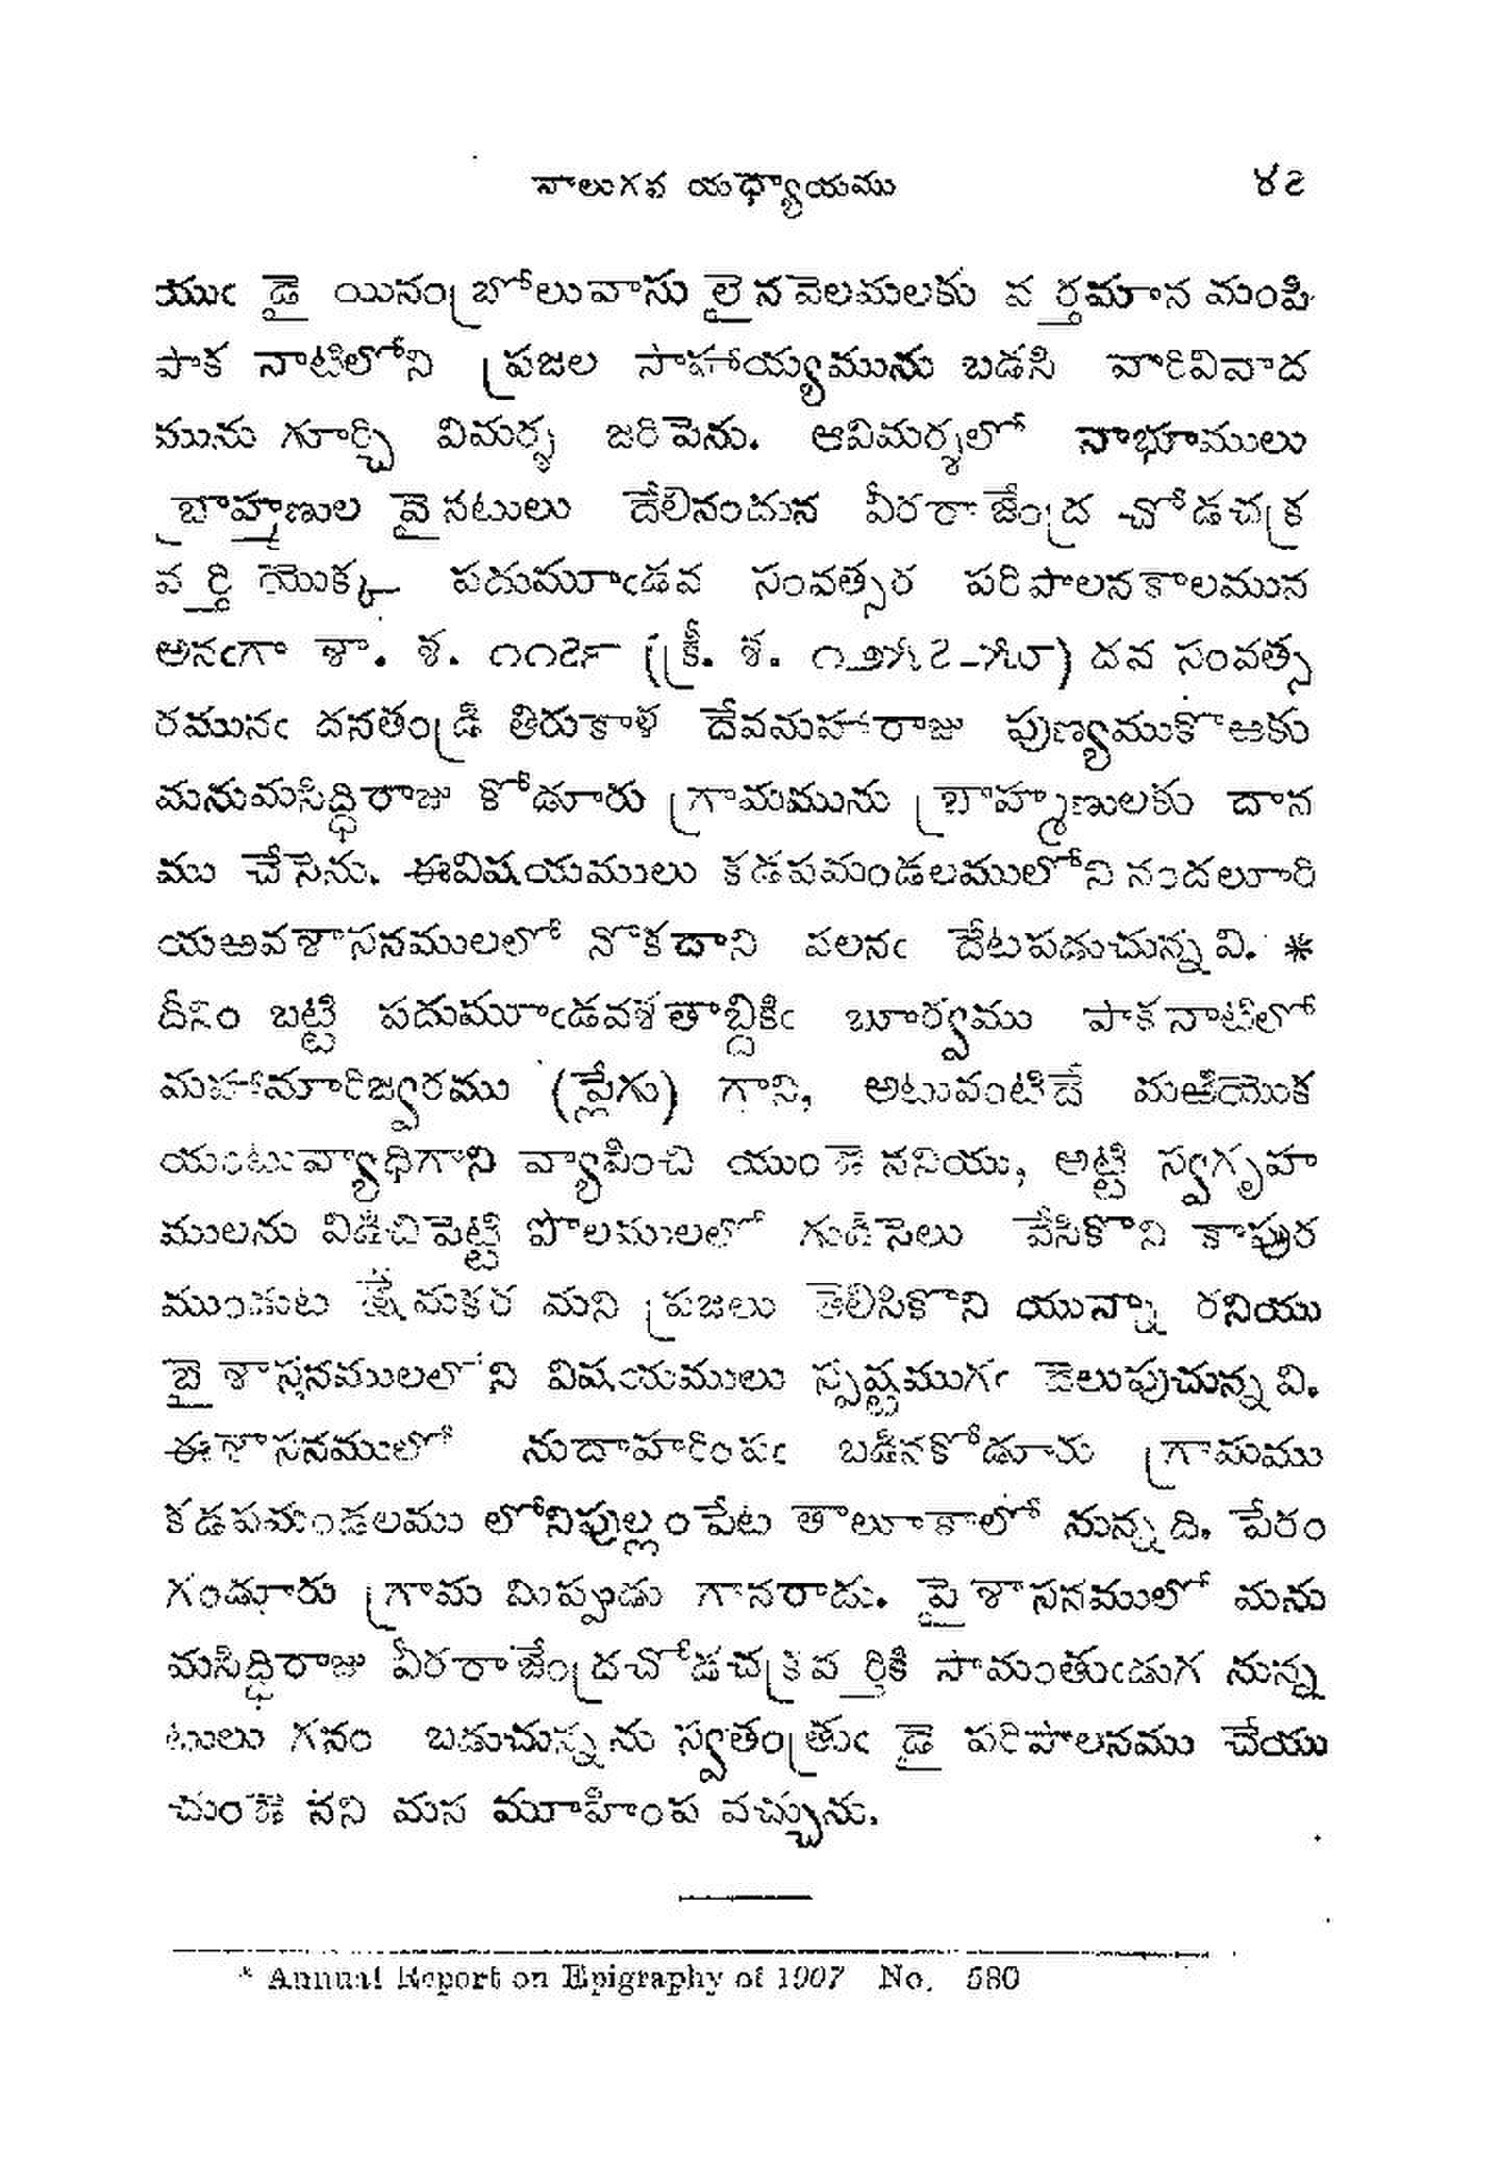యుఁ డై యినంబ్రోలువాసులైనవెలమలకు వర్తమాన మంపి పాక నాటిలోని ప్రజల సాహాయ్యమును బడసి వారివివాదమును గూర్చి విమర్శ జరిపెను. ఆవిమర్శలో నాభూములు
బ్రాహ్మణుల వైనటులు దేలినందున వీరరాజేంద్ర చోడచక్రవర్తి యొక్క పదుమూఁడవ సంవత్సర పరిపాలనకాలమున అనఁగా శా. శ. 1179 (క్రీ. శ. 1257-58) దవ సంవత్సరమునఁ దనతండ్రి తిరుకాళ దేవమహారాజు పుణ్యముకొఱకు మనుమసిద్దిరాజు కోడూరు గ్రామమును బ్రాహ్మణులకు దానము చేసెను. ఈ విషయములు కడపమండలములోని నందలూరి యఱవశాసనములలో నొకదాని వలనఁ దేటపడుచున్నవి. దీనిం బట్టి పదుమూఁడవశతాబ్దికిఁ బూర్వము పాకనాటిలో మహామారిజ్వరము (ప్లేగు) గాని, అటువంటిదే మఱియొక యంటువ్యాధిగాని వ్యాపించి యుండె ననియు, అట్టి స్వగృహములను విడిచిపెట్టి పొలములలో గుడిసెలు వేసికొని కాపుర ముండుట క్షేమకర మని ప్రజలు తెలిసికొని యున్నా రనియు బై శాసనములలోని విషయములు స్పష్టముగఁ దెలుపుచున్నవి. ఈశాసనములో నుదాహరింపఁ బడినకోడూరు గ్రామము కడపమండలము లోనిపుల్లంపేట తాలూకాలో నున్నది. పేరం గండూరు గ్రామ మిప్పుడు గానరాదు. పైశాసనములో మనుమసిద్దిరాజు వీరరాజేంద్రచోడ చక్రవర్తికి సామంతుఁడుగ నున్నటులు గనం బడుచున్నను స్వతంత్రుఁ డై పరిపాలనము చేయుచుండెనని మన మూహింప వచ్చును.